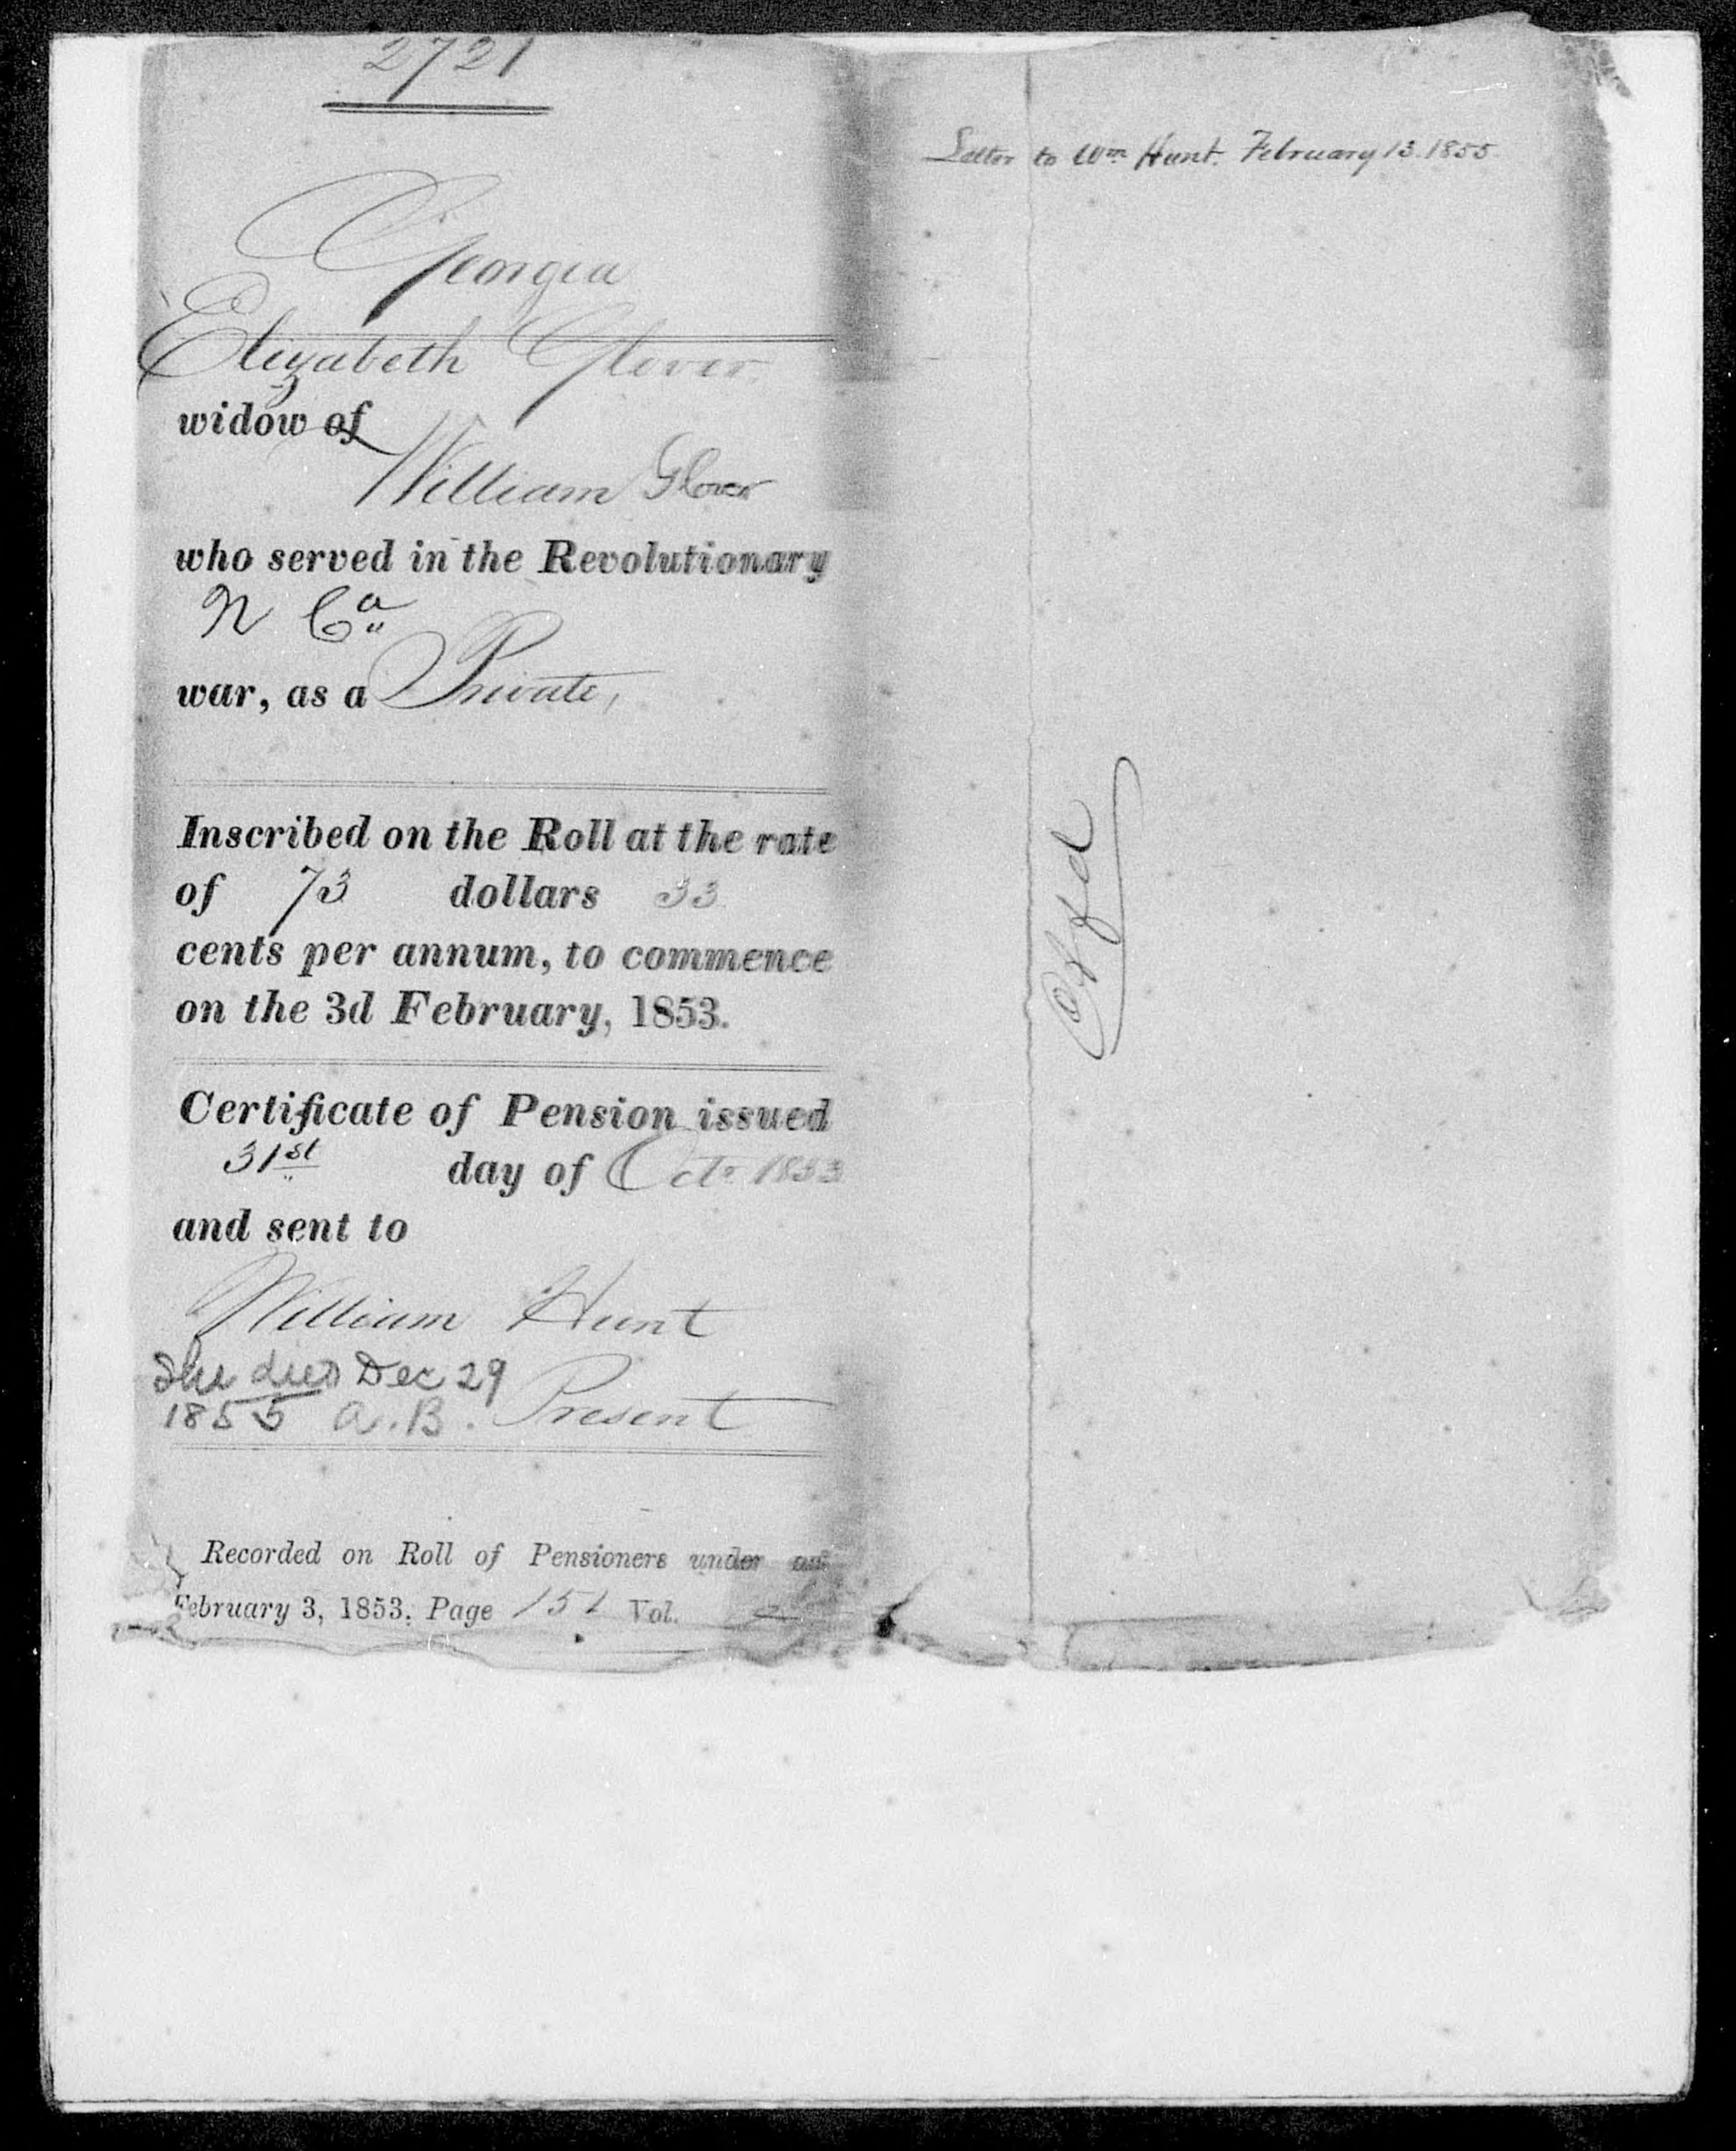2721
Letter to Wm Hunt. February 13, 1855.

Georgia
Elizabeth Glover
widow of William Glover
who served in the Revolutionary
NC a
war, as a Private

Inscribed on the Roll at the rate of 73 dollars 33 cents per annum, to commence on the 3d February, 1853.

Certificate of Pension issued 
31st day of Oct. 1853 and sent to 
William Hunt 
She died Dec 29 
1855 a.B. Present 

Recorded on Roll of Pensioners under [illegible]
February 3, 1853. Page 151 Vol.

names: Elizabeth Glover, Wm Hunt, William Hunt, William Glover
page: 3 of 51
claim: widow's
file: W. 929, William Glover, N.C.